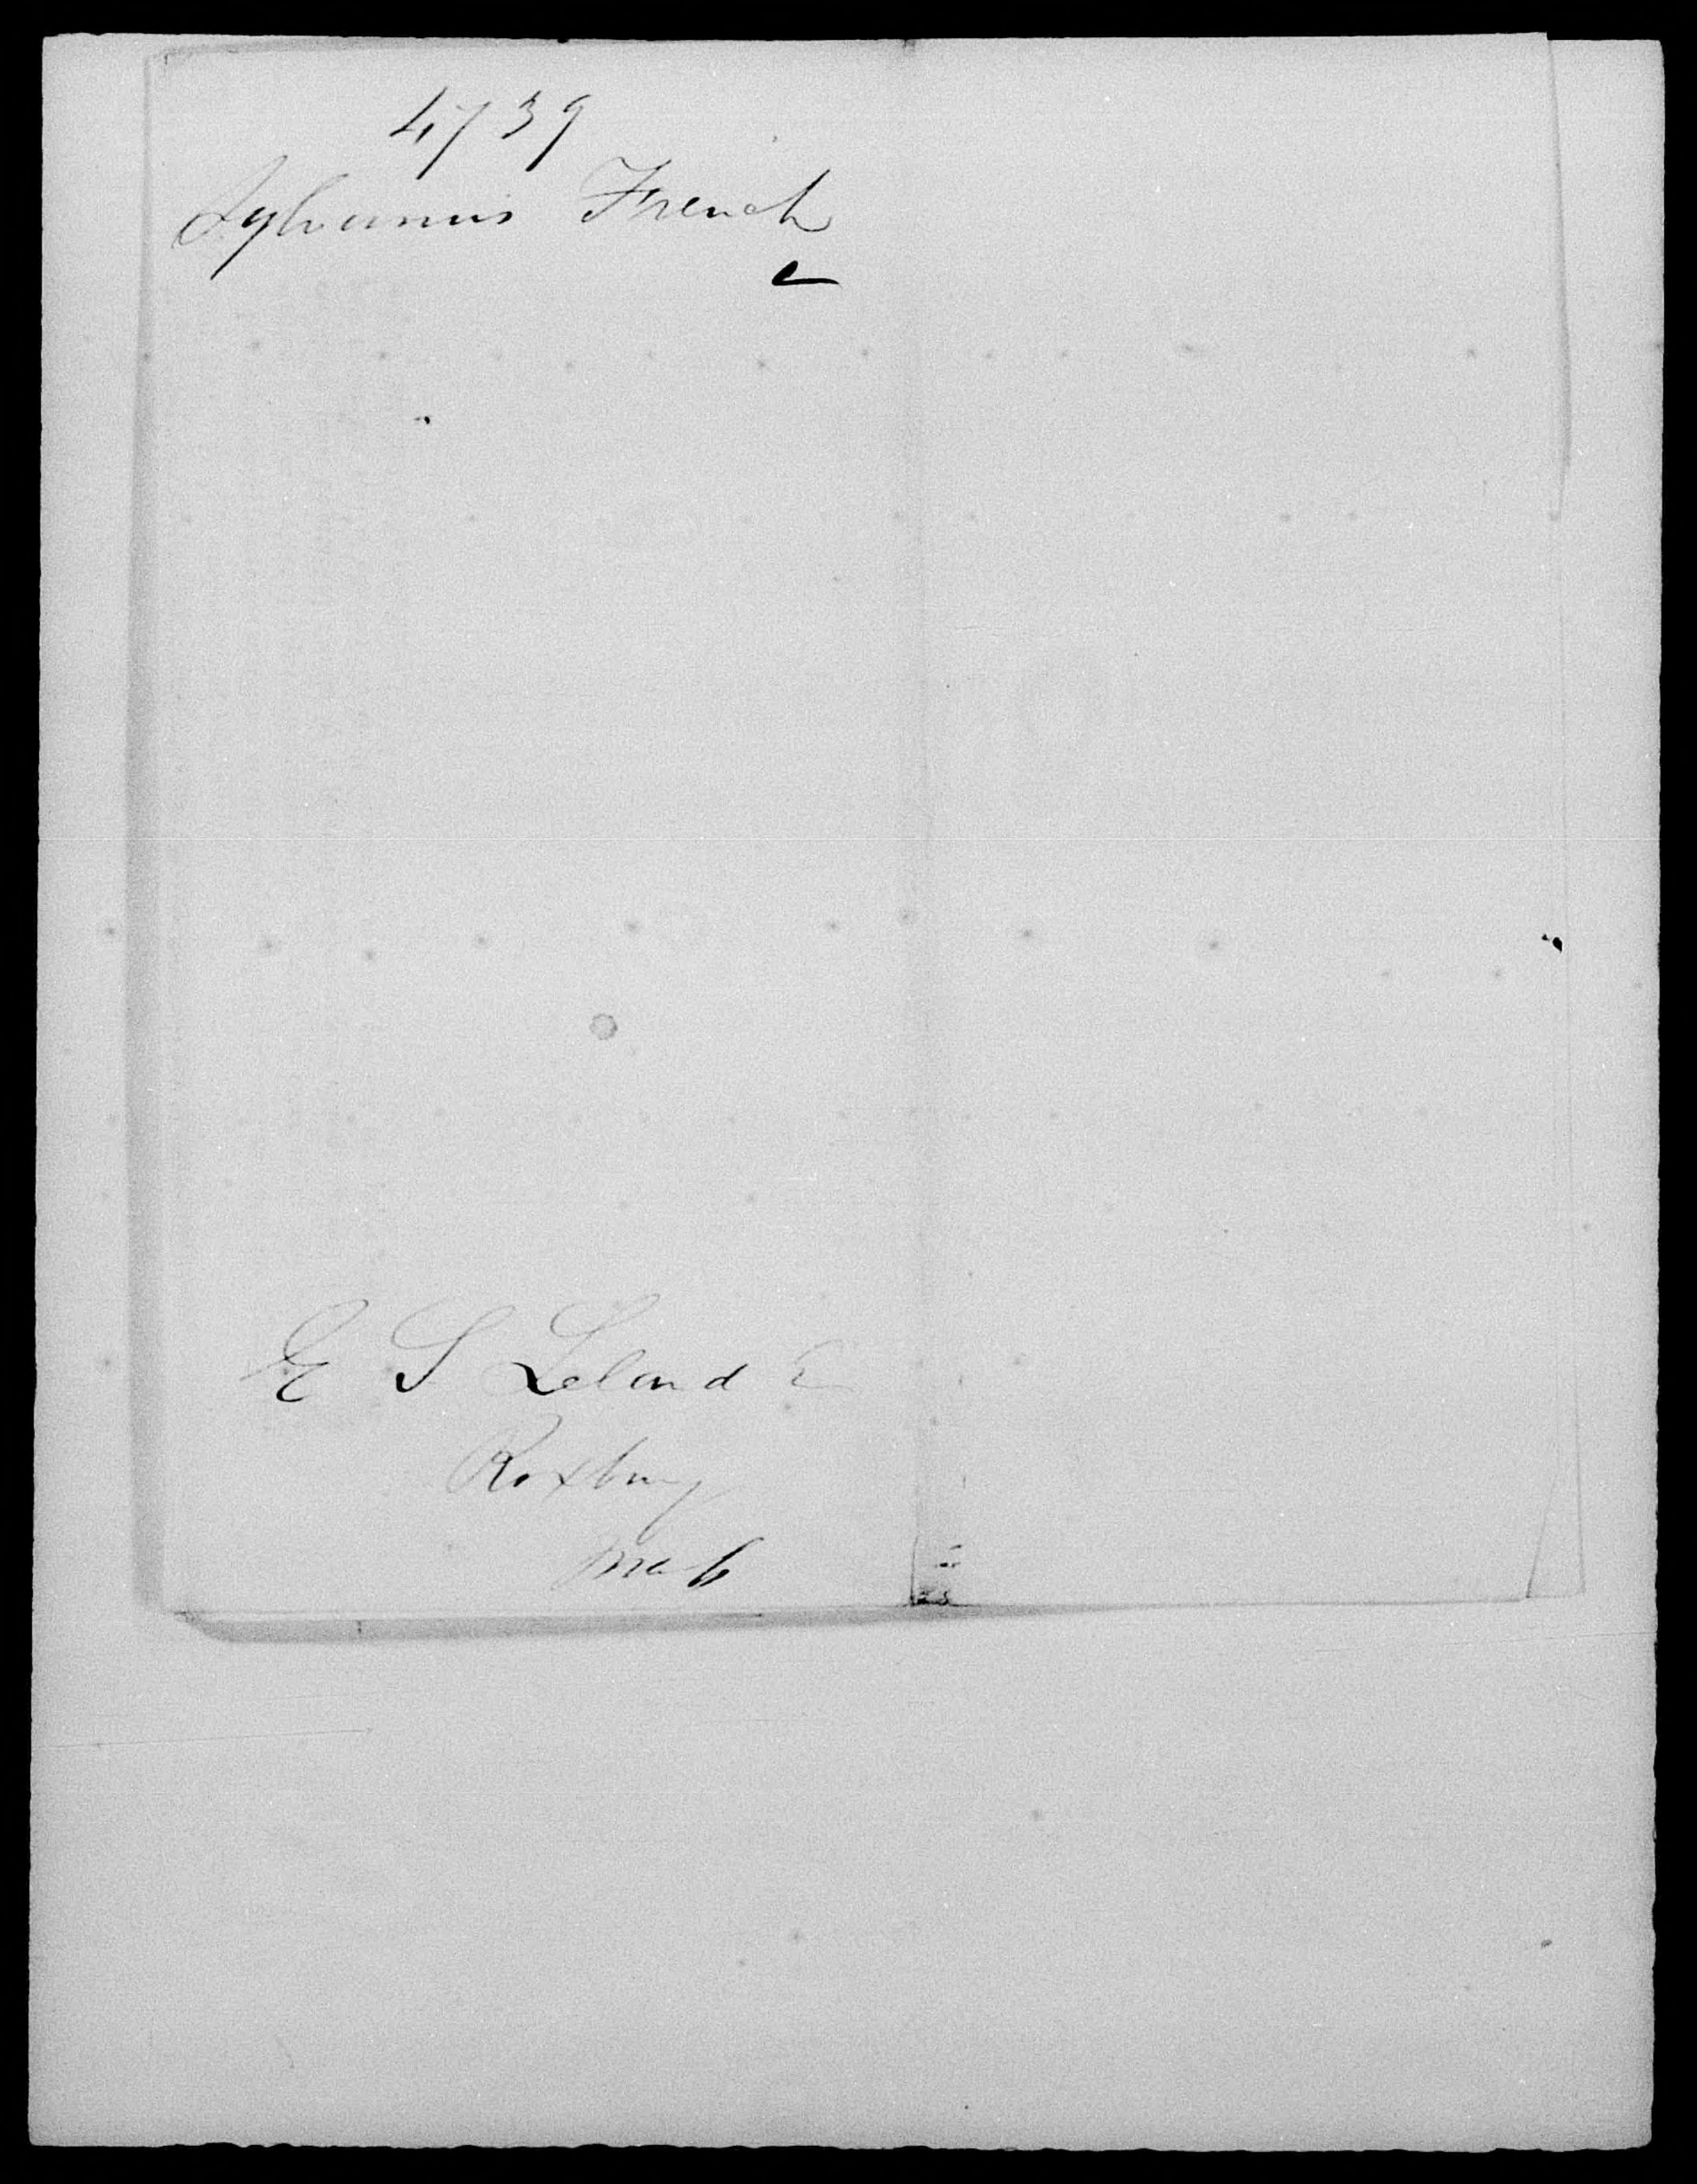4739 Sylvanus French 

E L Leland Esq 
Roxbury Mass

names: E S Leland, Sylvanus French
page: 20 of 38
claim: widow's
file: W. 24,235, Silvanus French, Mass.